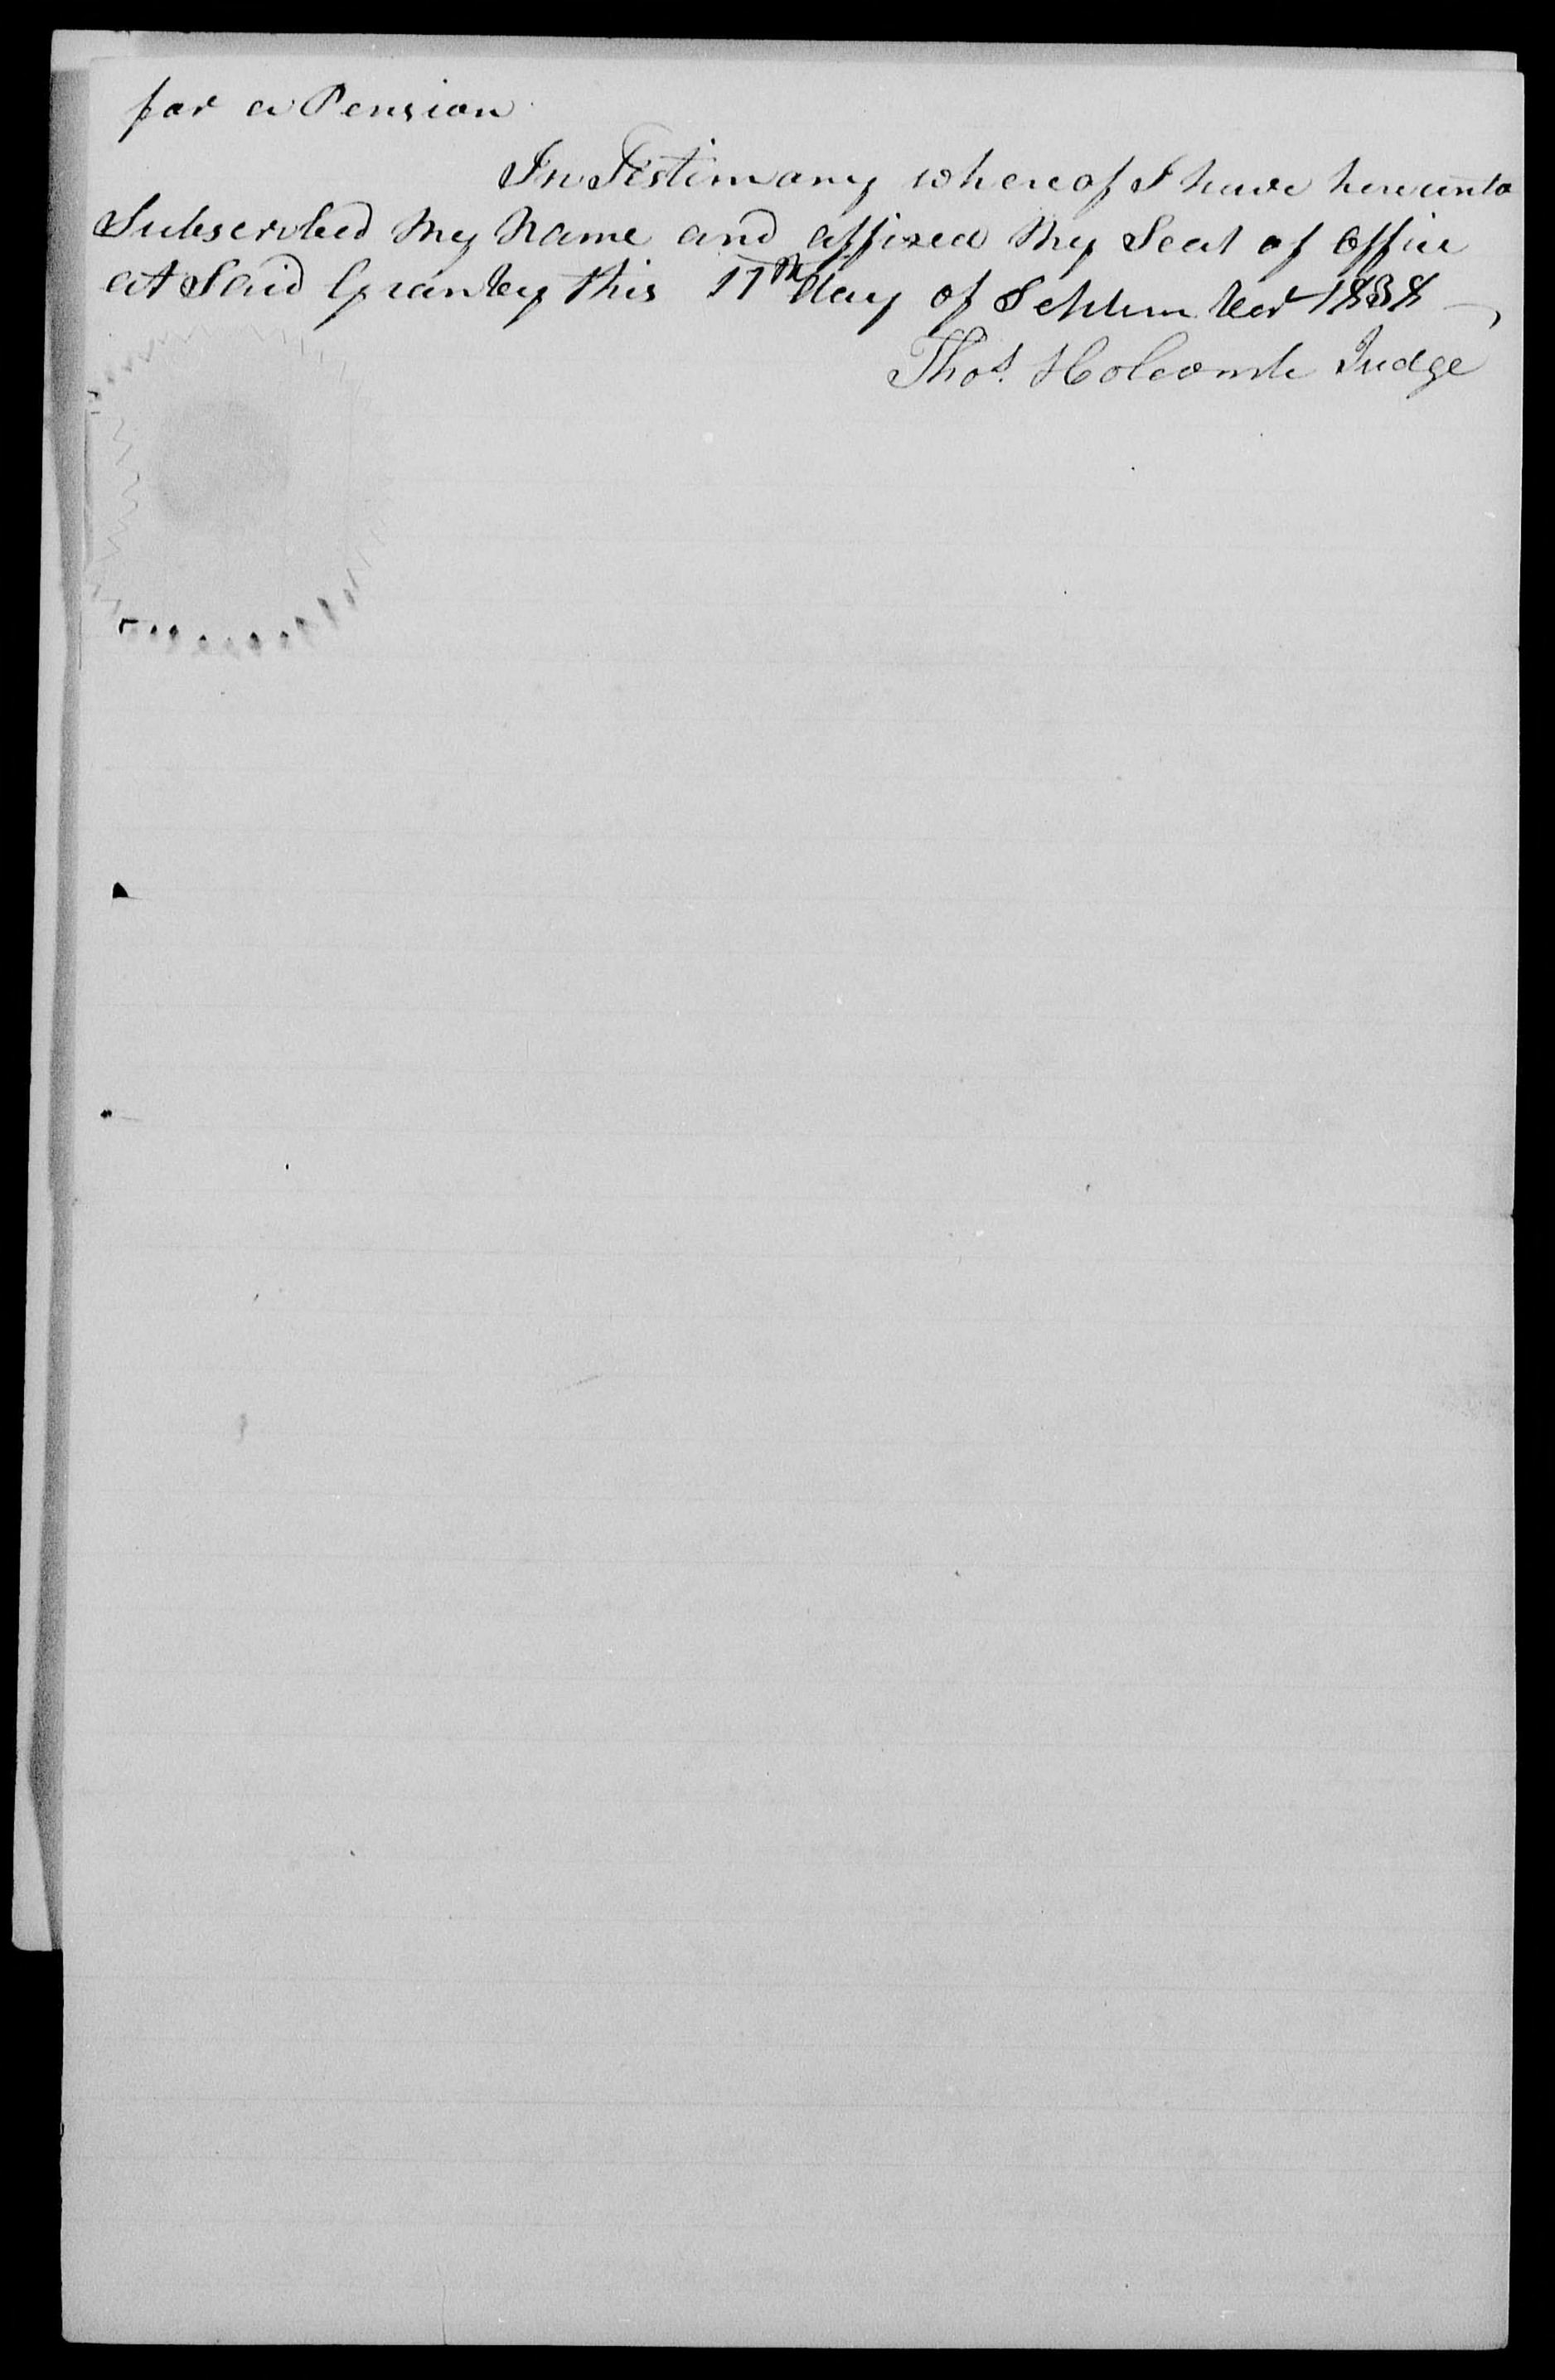[handwritten]	
for a Pension.
In Testimony whereof I have hereunto Subscribed my Name and affixed My Seal of Office at Said Granby this 17th day of September 1838
[signed] Thos. Holcomb Judge

[faint multi-pointed seal to the left  - no legible print]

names: Thos Holcomb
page: 6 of 26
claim: widow's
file: W. 14483, Reuben Clark, Conn.